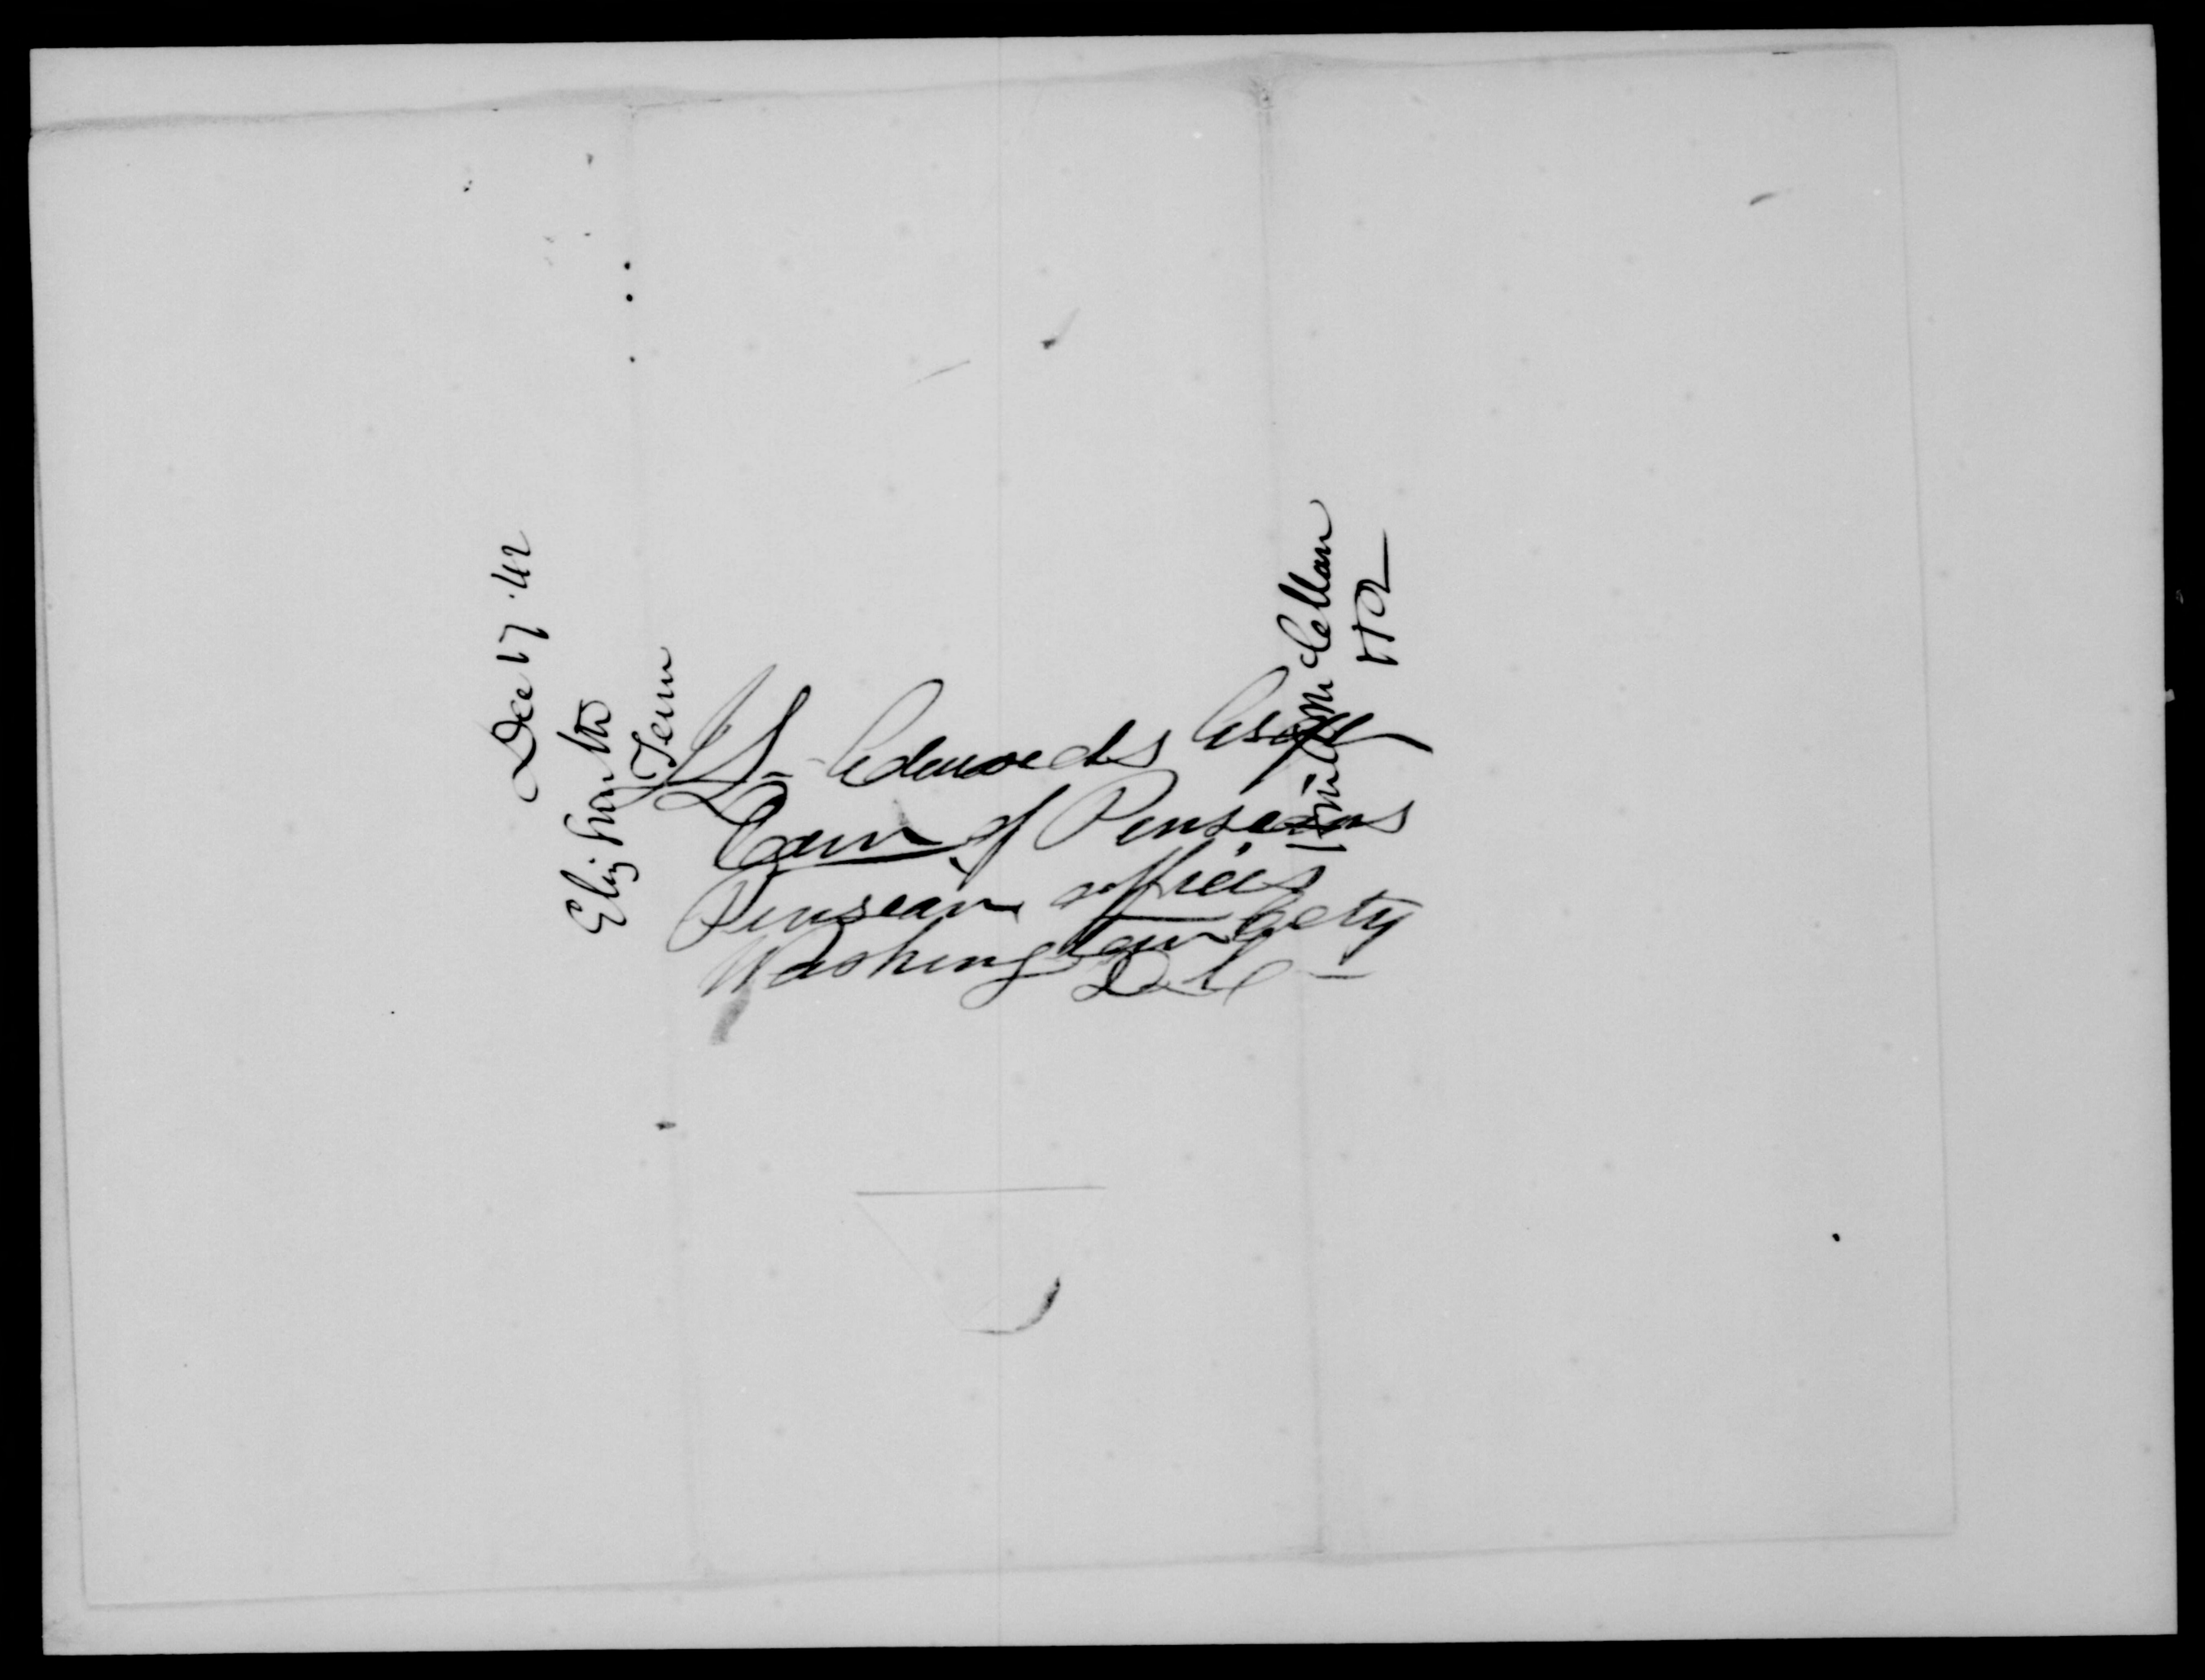Dec 17 '42
Eliz Smith Tenn

J L Edwards Esq
Comm of Pensions
Pension offices
Washington City
D C - 

[illegible] Mc Clellan
H R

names: Elizabeth [BLANK]; J L Edwards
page: 56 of 79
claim: widow's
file: W. 1504, for Robert Smith, North Carolina